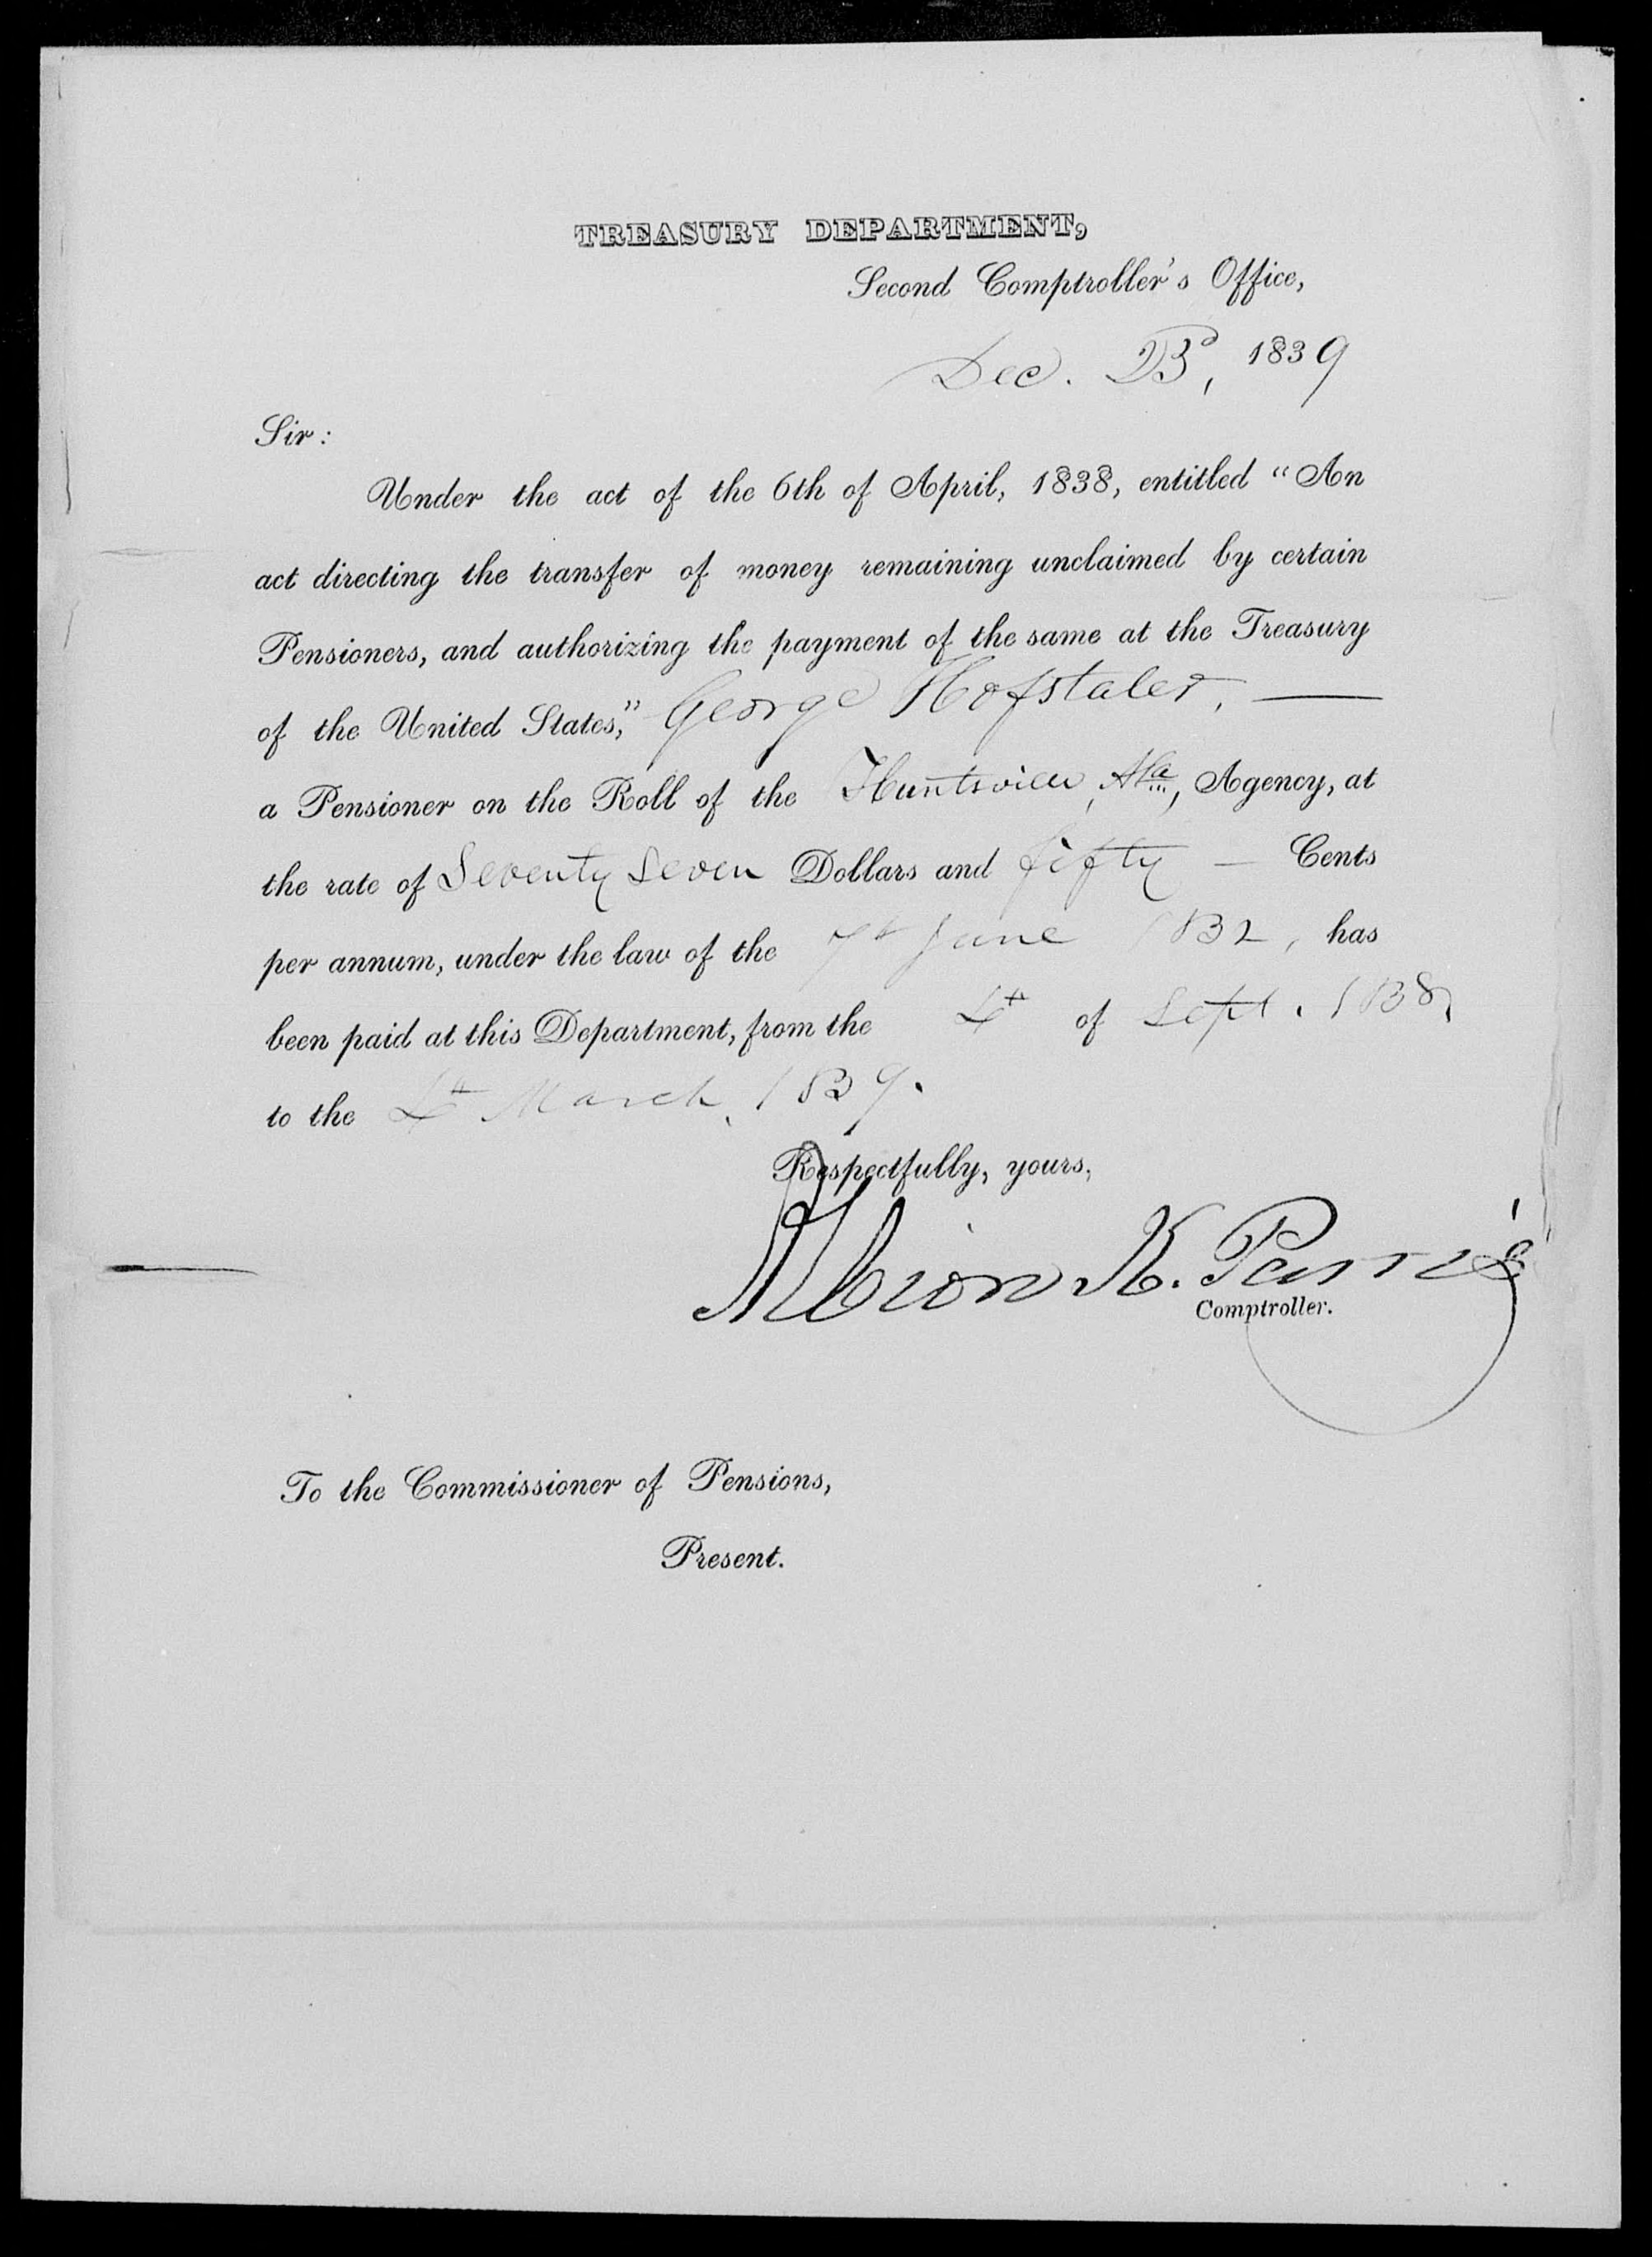TREASURY DEPARTMENT,
Second Comptroller's Office,
Dec. 23, 1839
Sir:
Under the act of the 6th of April, 1838, entitled "An act directing the transfer of money remaining unclaimed by certain Pensioners, and authorizing the payment of the same at the Treasury of the United States," George Hofstalar, a Pensioner on the Roll of the Huntsville Ala Agency, at the rate of Seventy Seven Dollars and fifty Cents per annum, under the law of the 7th June 1832, has been paid at this Department, from the 4th of Sept. 1838 to the 4th March 1839.
Respectfully, yours,
Albion K. Parris
Comptroller.
To the Commissioner of Pensions,
Present.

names: George Hofstaler, Albion K Parris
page: 15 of 18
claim: survivor's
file: S. 15176, George Hofstalar, N.C.